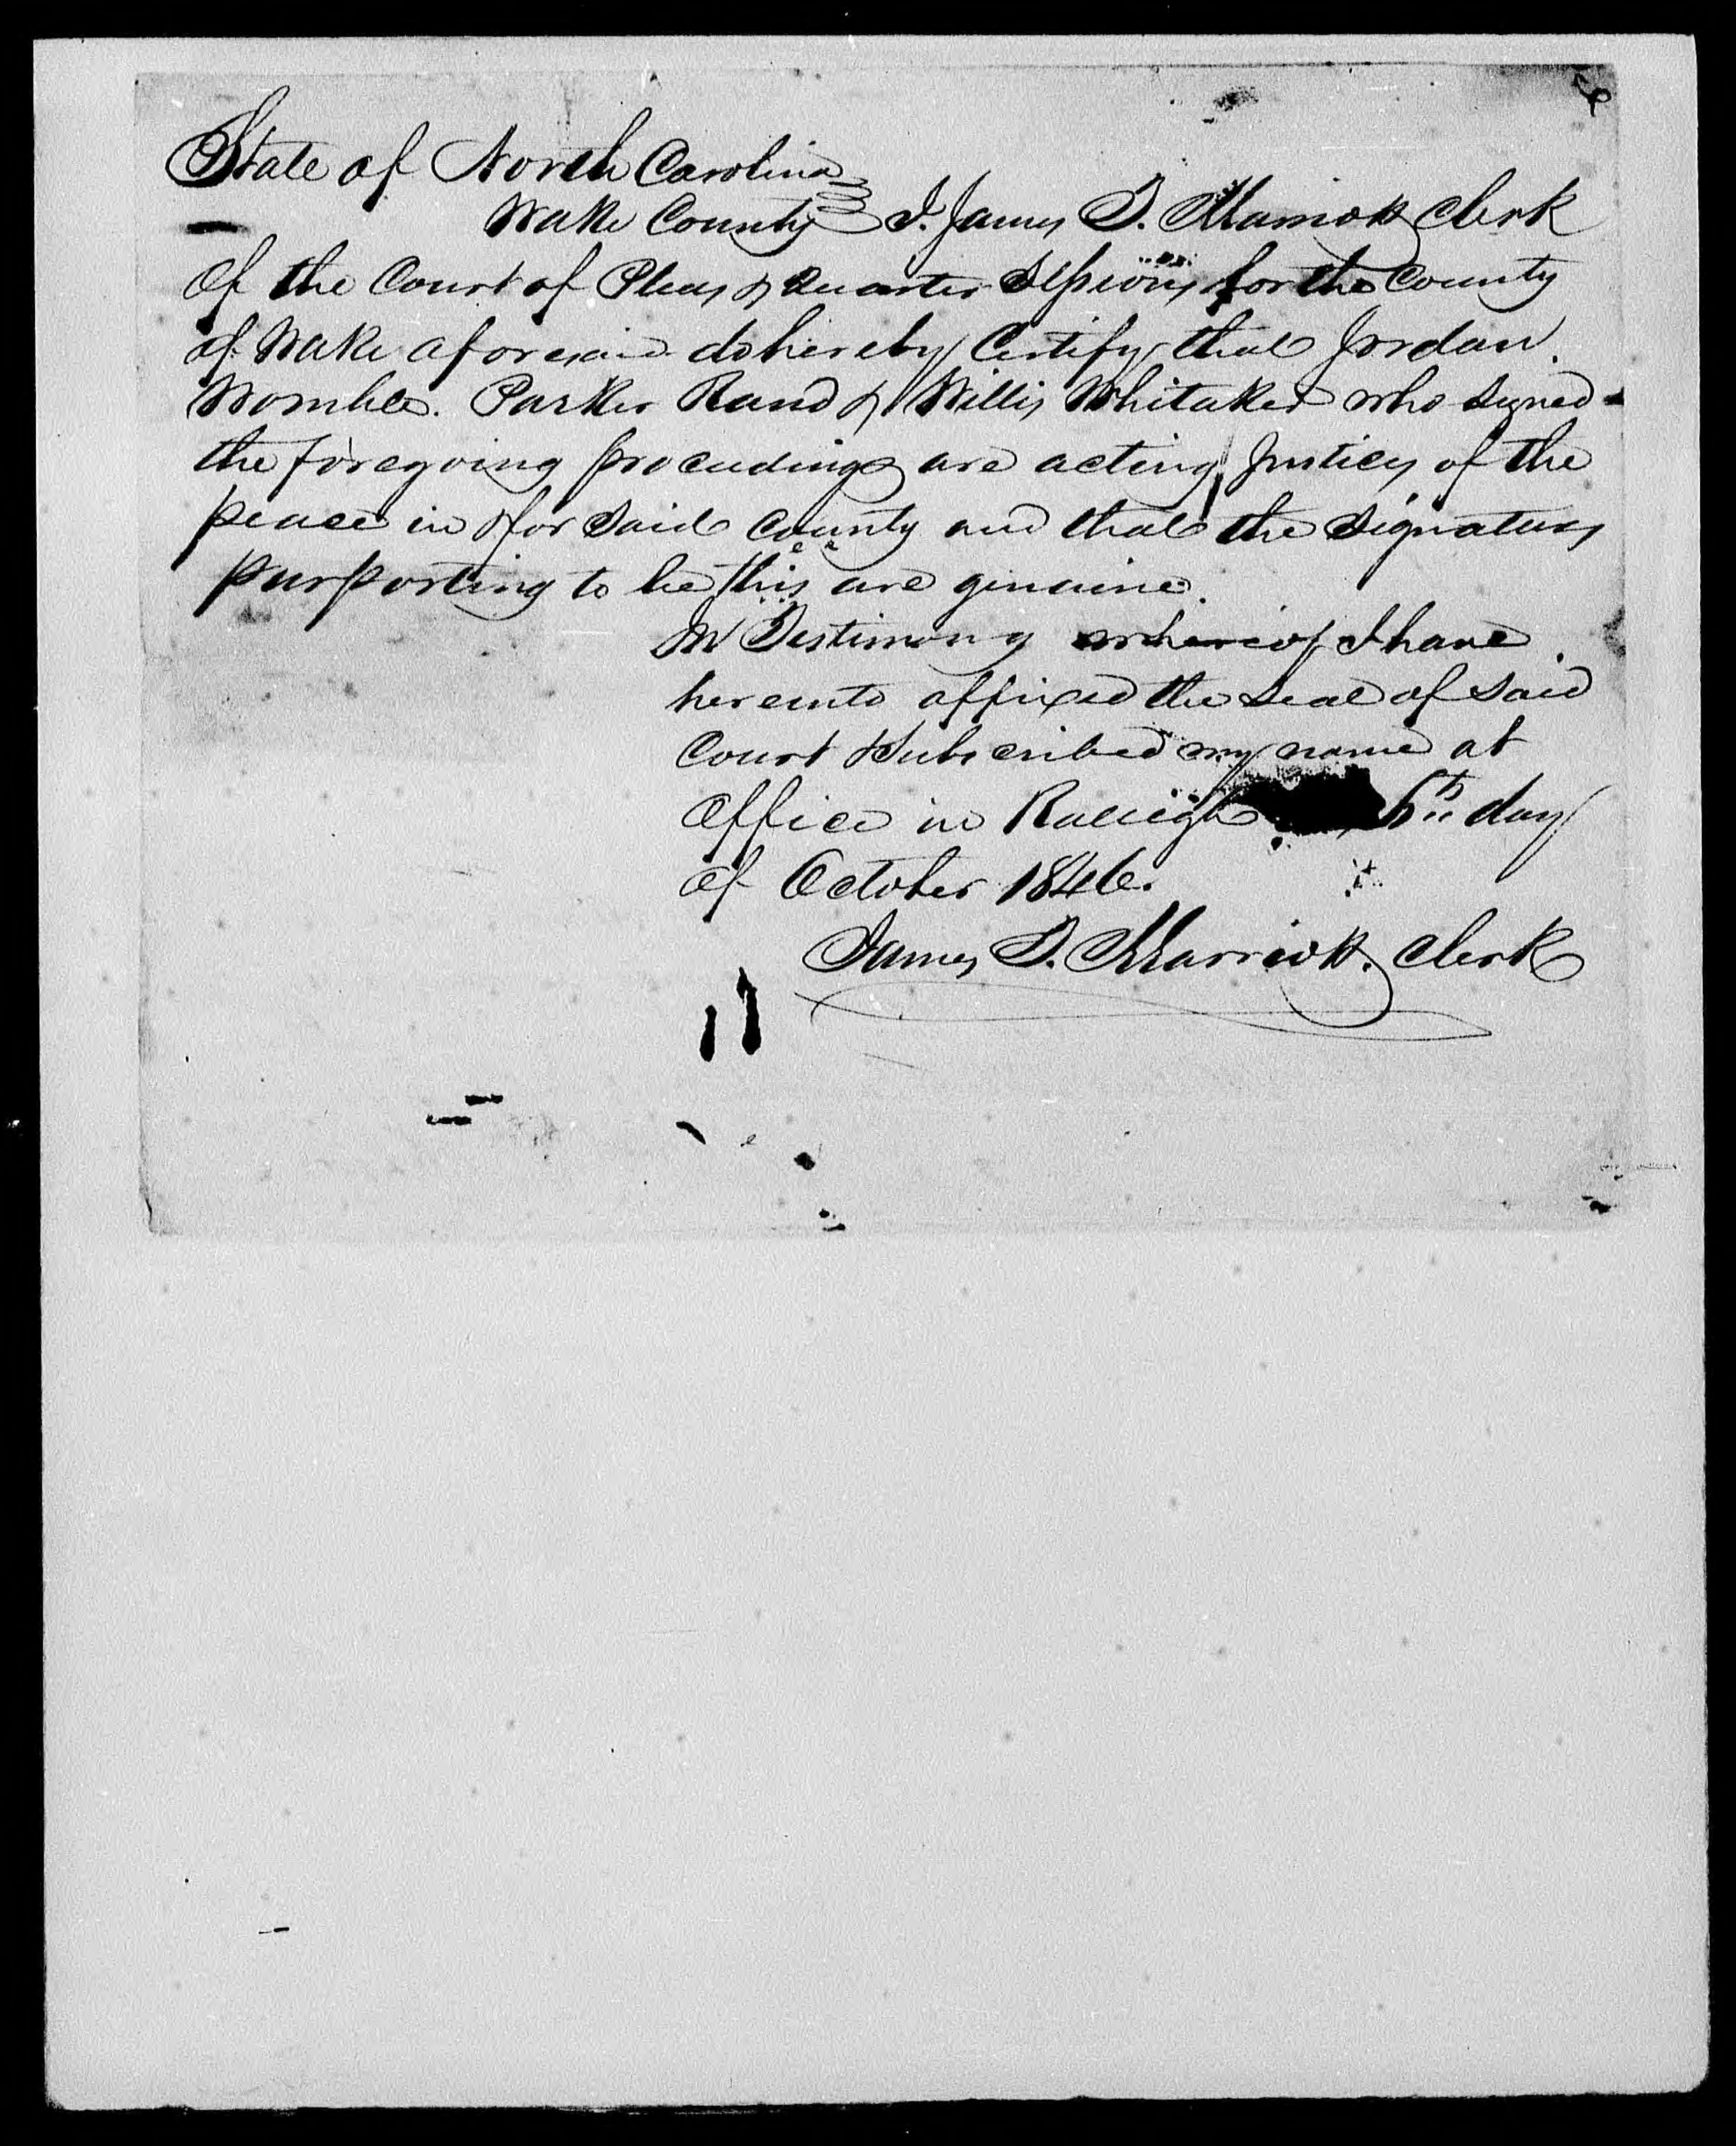State of North Carolina 
Wake County 
I, James S. Marriott, Clerk of the Court of Pleas and the Quarter Session for the County aforesaid do hereby certify that Jordan Womble, Parker Randy and Willy Whitaker who signed the foregoing proceedings are acting Justices of the Peace in and for said County and that the signatures purporting to be theirs are genuine.
In testimony whereof I have hereunto affixed the seal of said court and subscribed my name at office in Raleigh the 6th day of October 1846.
James S. Marriott, Clerk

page: 14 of 74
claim: rejected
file: R. 5600, for Abel Johnson, North Carolina